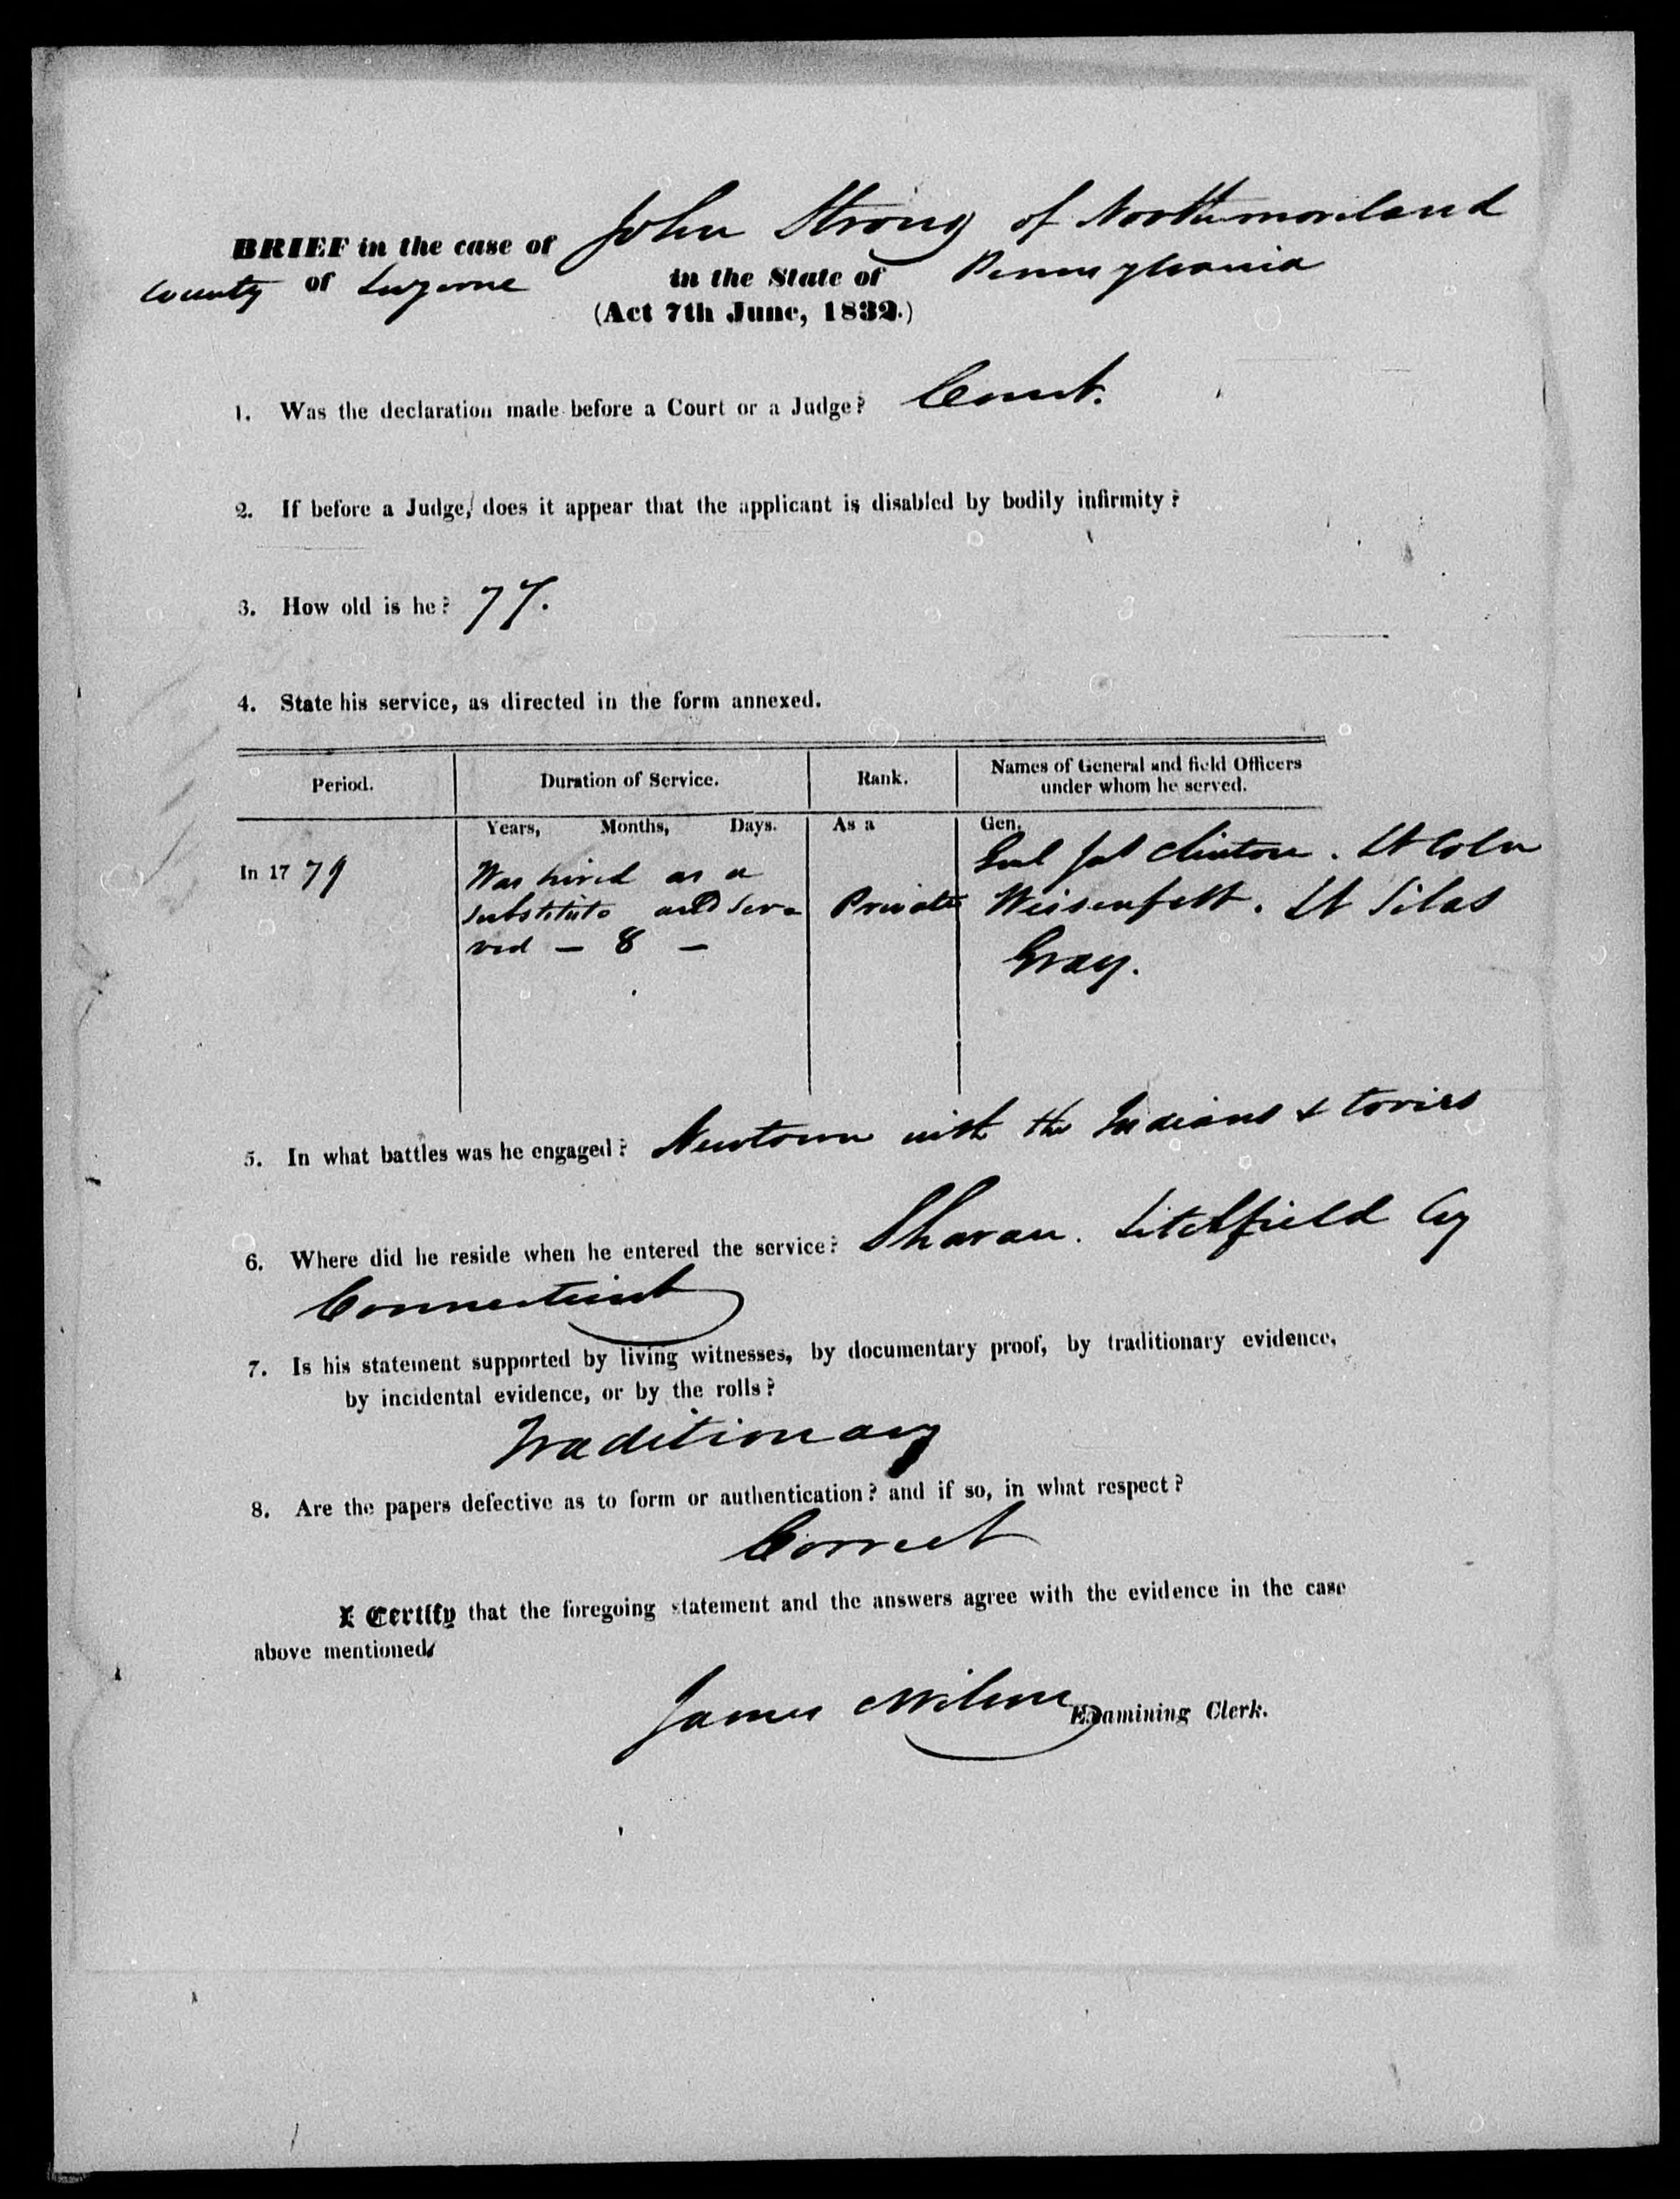BRIEF in the case of John Strong of Northmoreland County of Luzerne in the State of Pennsylvania (Act 7th June, 1832.) 
Was the declaration made before a Court or a Judge? Court 
2. If before a Judge, does it appear that the applicant is disabled by bodily infirmity? 
3. How old is he? 77 
4. State his service, as directed in the form annexed. 
[TABLE]
Period. In 1779 
Duration of Service. Years, Months, Days. Was hired as a substitute and served – 8 –
Rank. As a Private 
Names of General and field Officers under whom he served. Gen.  all for Clinton Lt Coln Weisenfelt. Lt Silas Gray 
[END TABLE]

5. In what battles was he engaged? Newtown with the Indians & tories 
6. Where did he reside when he entered the service? Sharon Litchfield Cy Connecticut 
7. Is his statement supported by living witnesses, by documentary proof, by traditionary evidence, by incidental evidence, or by the rolls? Traditionary
8. Are the papers defective as to form or authentication? and if so, in what respect? Correct 
I certify that the foregoing statement and the answers agree with the evidence in the case above mentioned James Wilem   Examining Clerk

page: 17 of 33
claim: widow's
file: W. 4592, for John Strong, New York